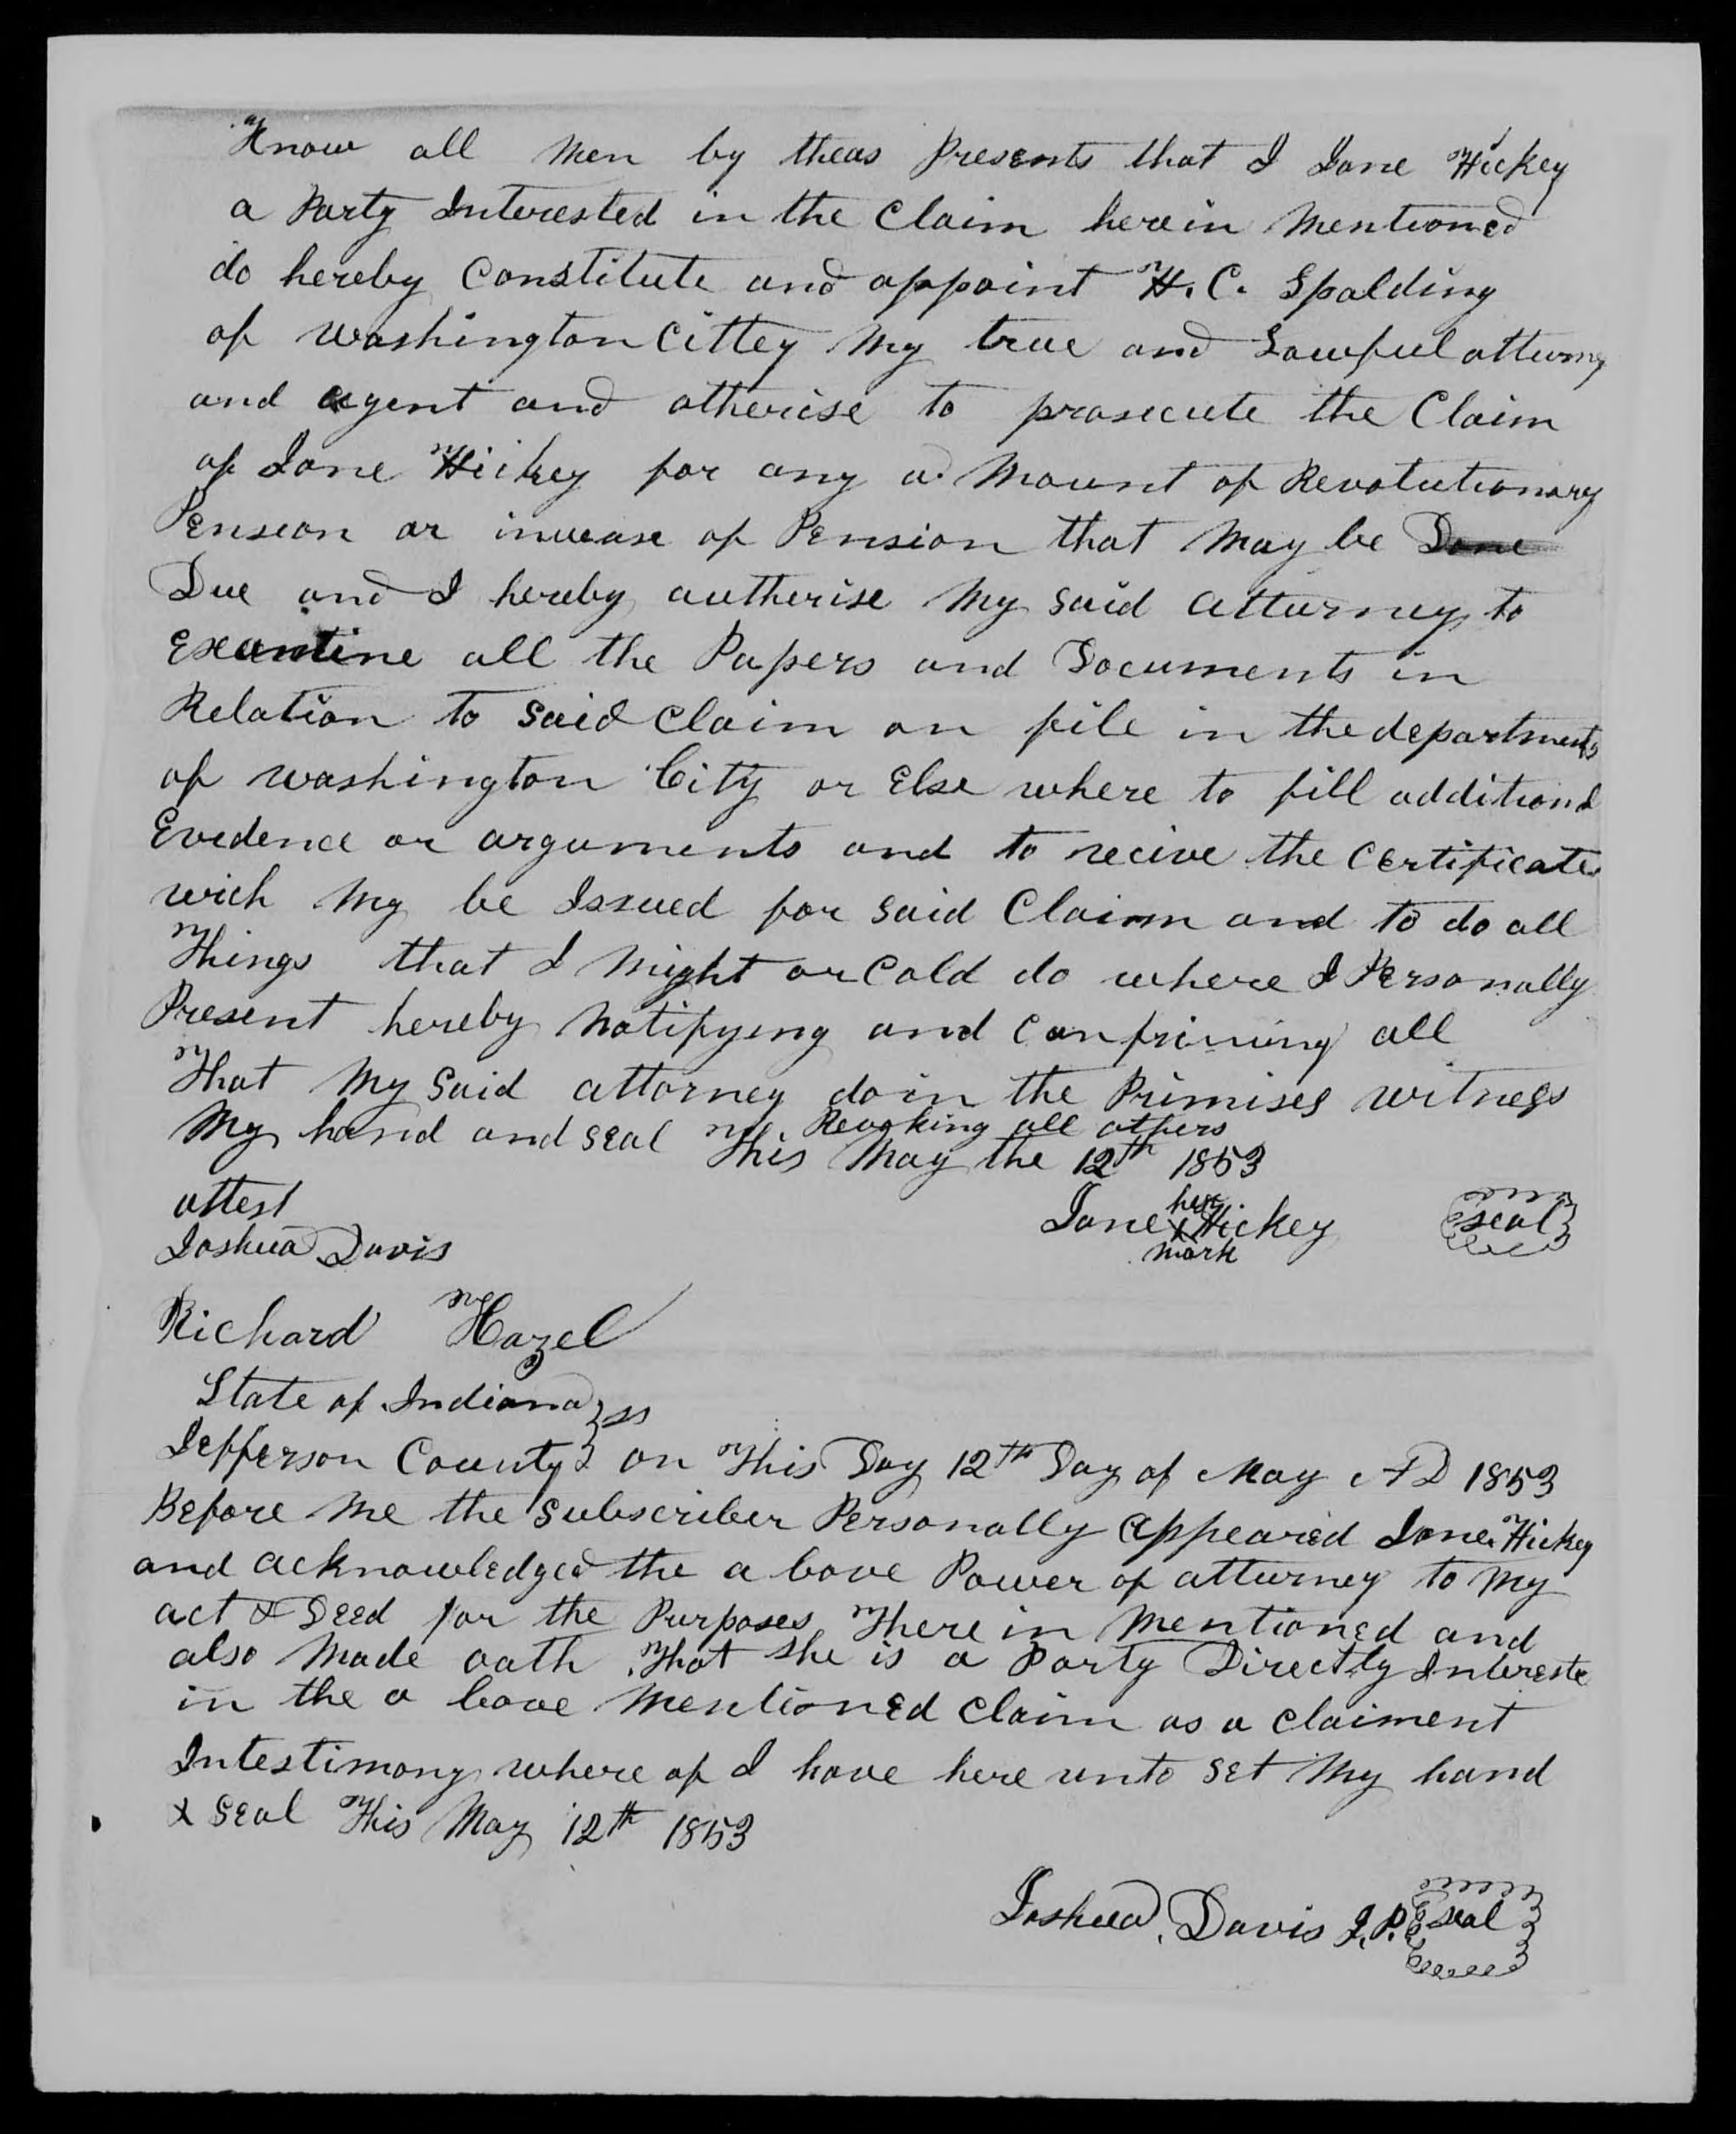Know all men by theas presents that I Jane Hickey a party interested in the claim herein mentioned do hereby constitute and appoint H. C. Spalding of Washington City my true and lawful attorney and agent and otherwise to prosecute the claim of Jane Hickey for any amount of Revolutionary Pension or increase of Pension that may be Due and I hereby authorize my said attorney to examine all the papers and documents in Relation to said claim on file in the department of Washington City or else where to fill addition evidence or arguments and to receive the certificate
with my be issued for said claim and to do all
things that I might or cold do were I personally
present hereby notifying and confirming all
That my said attorney do in the premises witness my revoking all others
Jane Hickey   her mark

My hand and seal this  May the 12th 1853  
attest
Joshua Davis
Richard Hazel
State of Indiana
Jefferson County 
On this day  May the 12th  AD 1853
Before me the subscriber personally appeared Jane Hickey and acknowledged the above power of attorney to my act & deed for the purposes, there in mentioned and also made oath that she is a party Directly Interest in the above mentioned claim as a claiment
In testimony whereof I have hereunto set my hand
Seal This May 12th 1853
Joshua Davis J.P. {seal}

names: H C Spalding, Richard Hazel, Jane Hickey, Jane Hickey, Jane Hickey, Jane Hickey, Joshua Davis, Joshua Davis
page: 55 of 84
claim: widow's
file: W. 7744, Daniel Hickey, Penn.